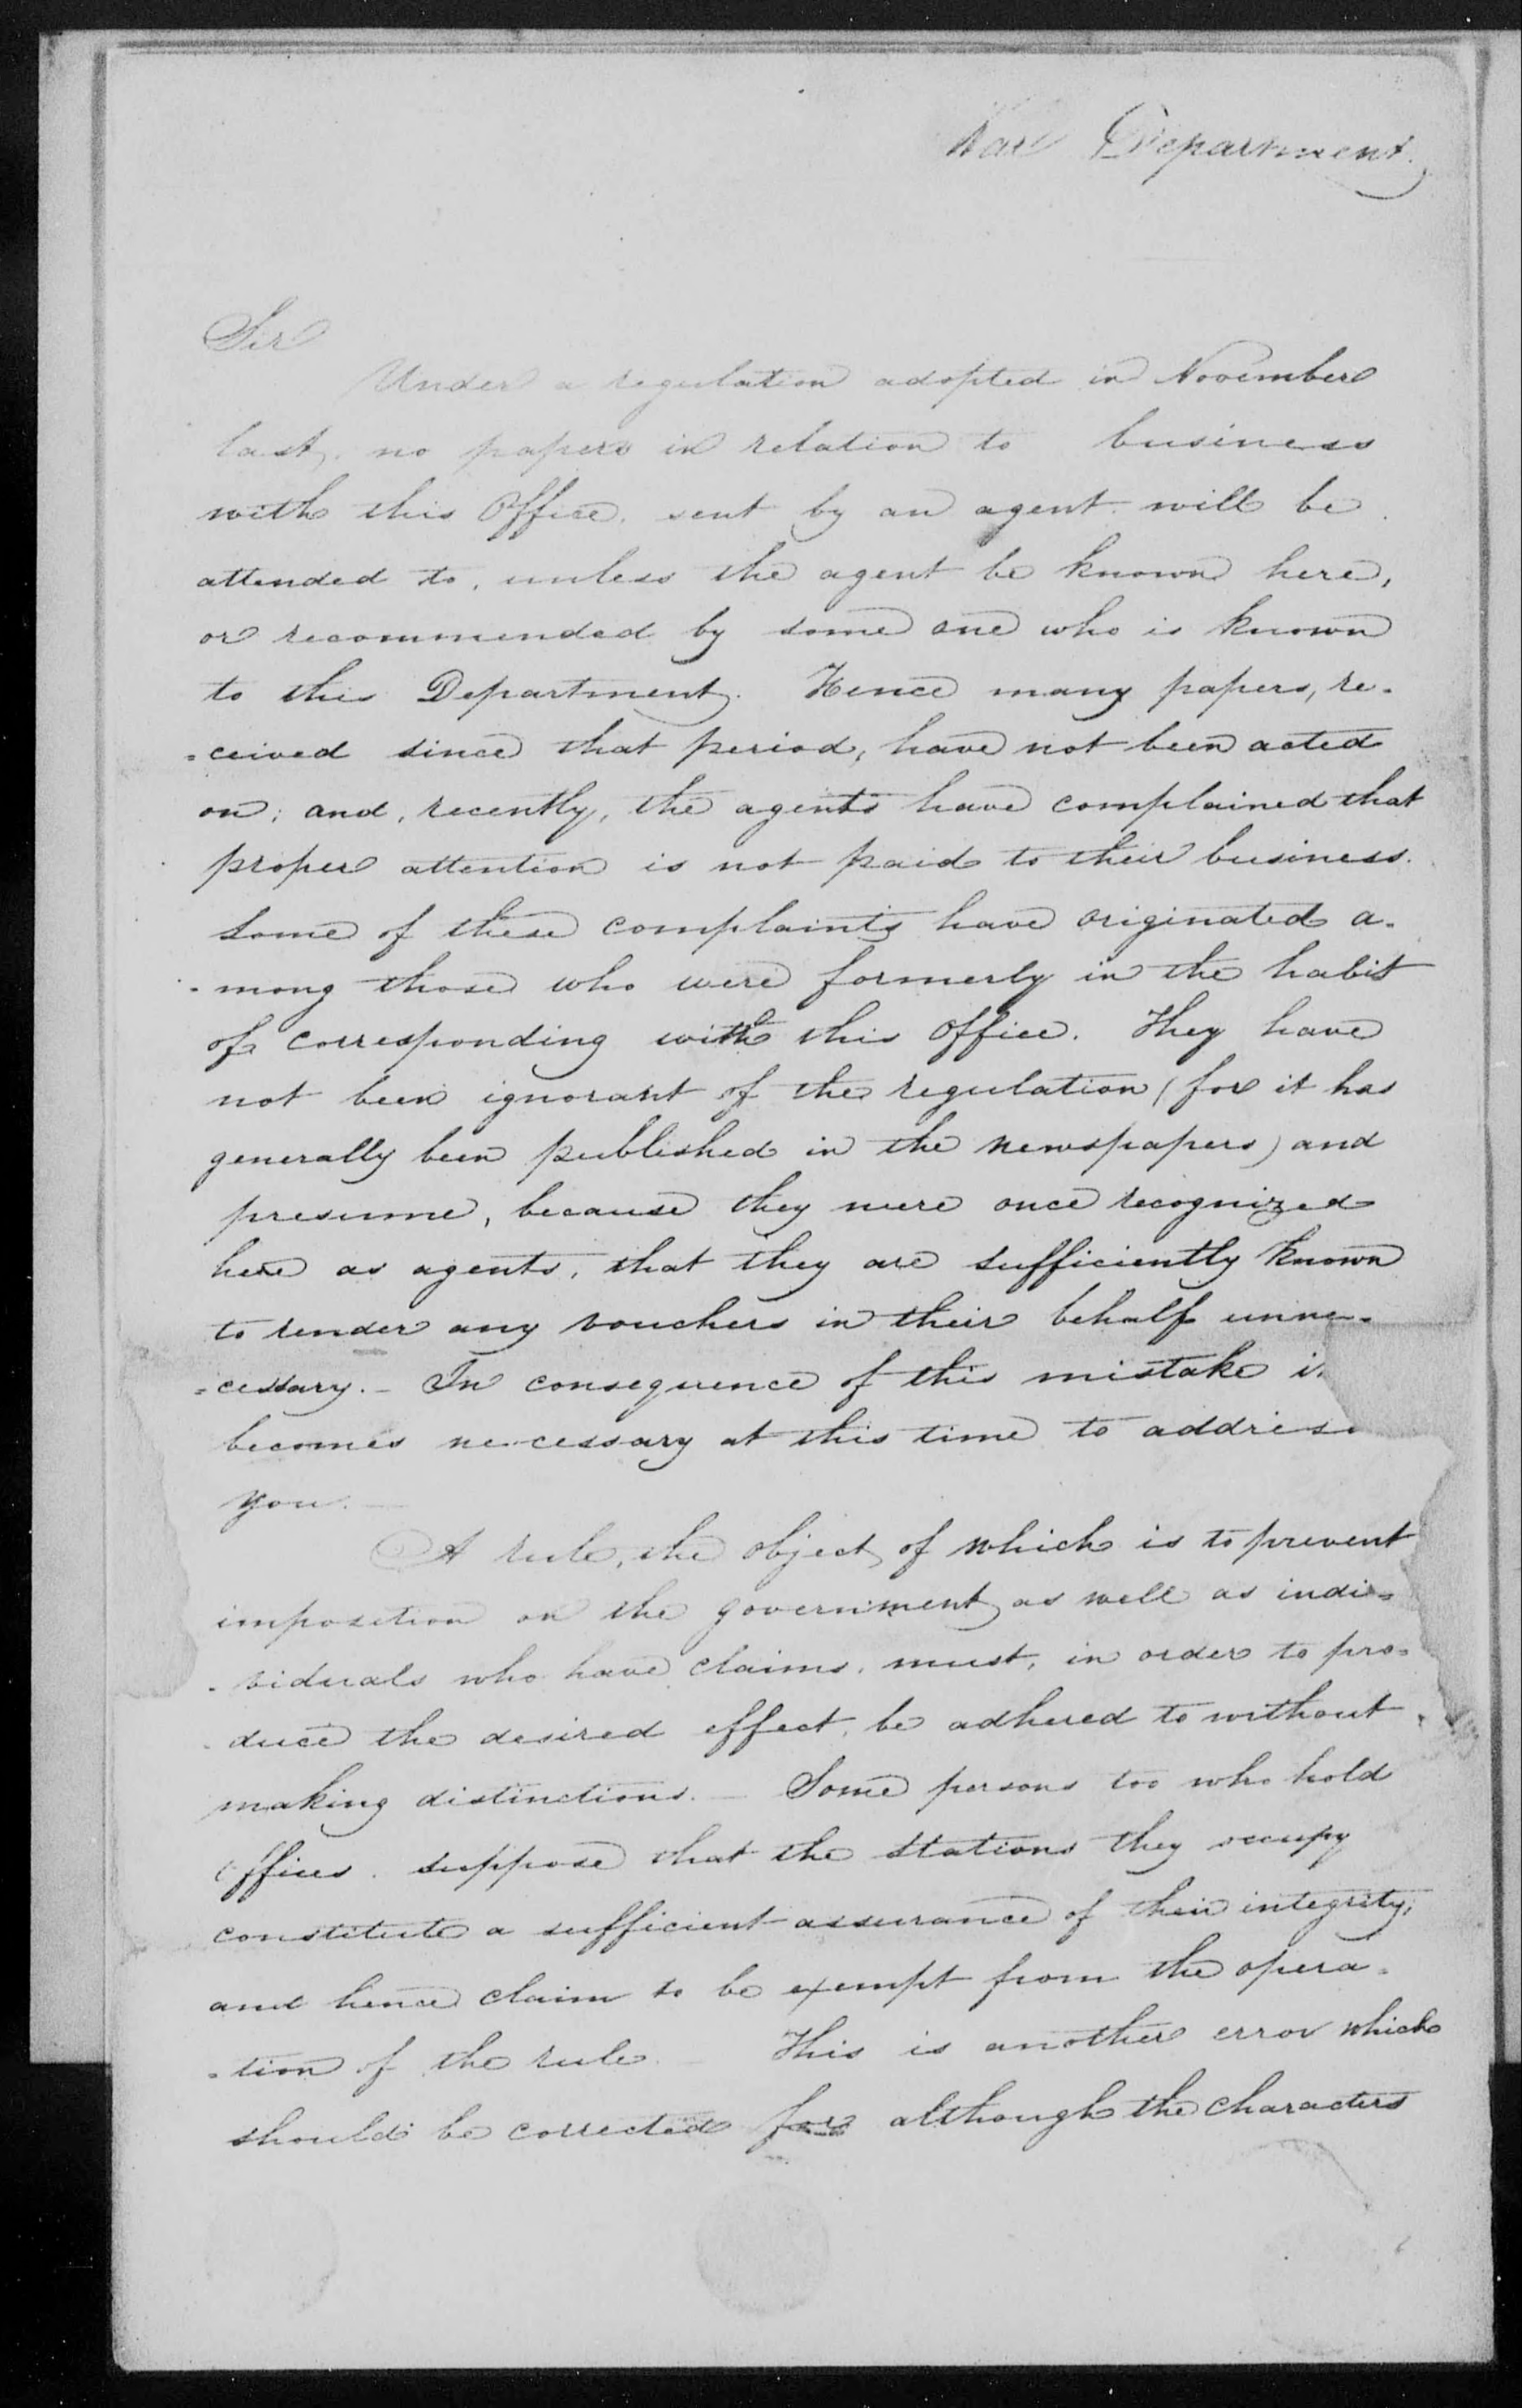War Department
Sir
     Under a regulation adopted in November last, no papers in relation to business with this office sent by an agent will be attended to, unless the agent be known here, or recommended by some one who is known to this Department.  Hence many papers, received since that period, have not been acted on, and recently, the agents have complained that proper attention is not paid to their business.  Some of these complaints have originated among those who were formerly in the habit of corresponding with this office.  They have not been ignorant of the regulation  (for it has generally been published in the newspapers) and presume, because they were once recognized here as agent, that they are sufficiently known to under any vouchers in their behalf unnecessary at this time to address you.
      A rule, the object of which is to prevent imposition on the government as well as individuals who have claims must, in order to produce the desired effect, be adhered to without making distinctions.  Some persons too who hold offices suppose that the stations they occupy constitute a sufficient assurance of their integrity, and hence claim to be exempt from the operation of the rule.  This is another error which should be corrected for although the characters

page: 14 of 16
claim: survivor's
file: S. 17,592, for William Moore, North Carolina